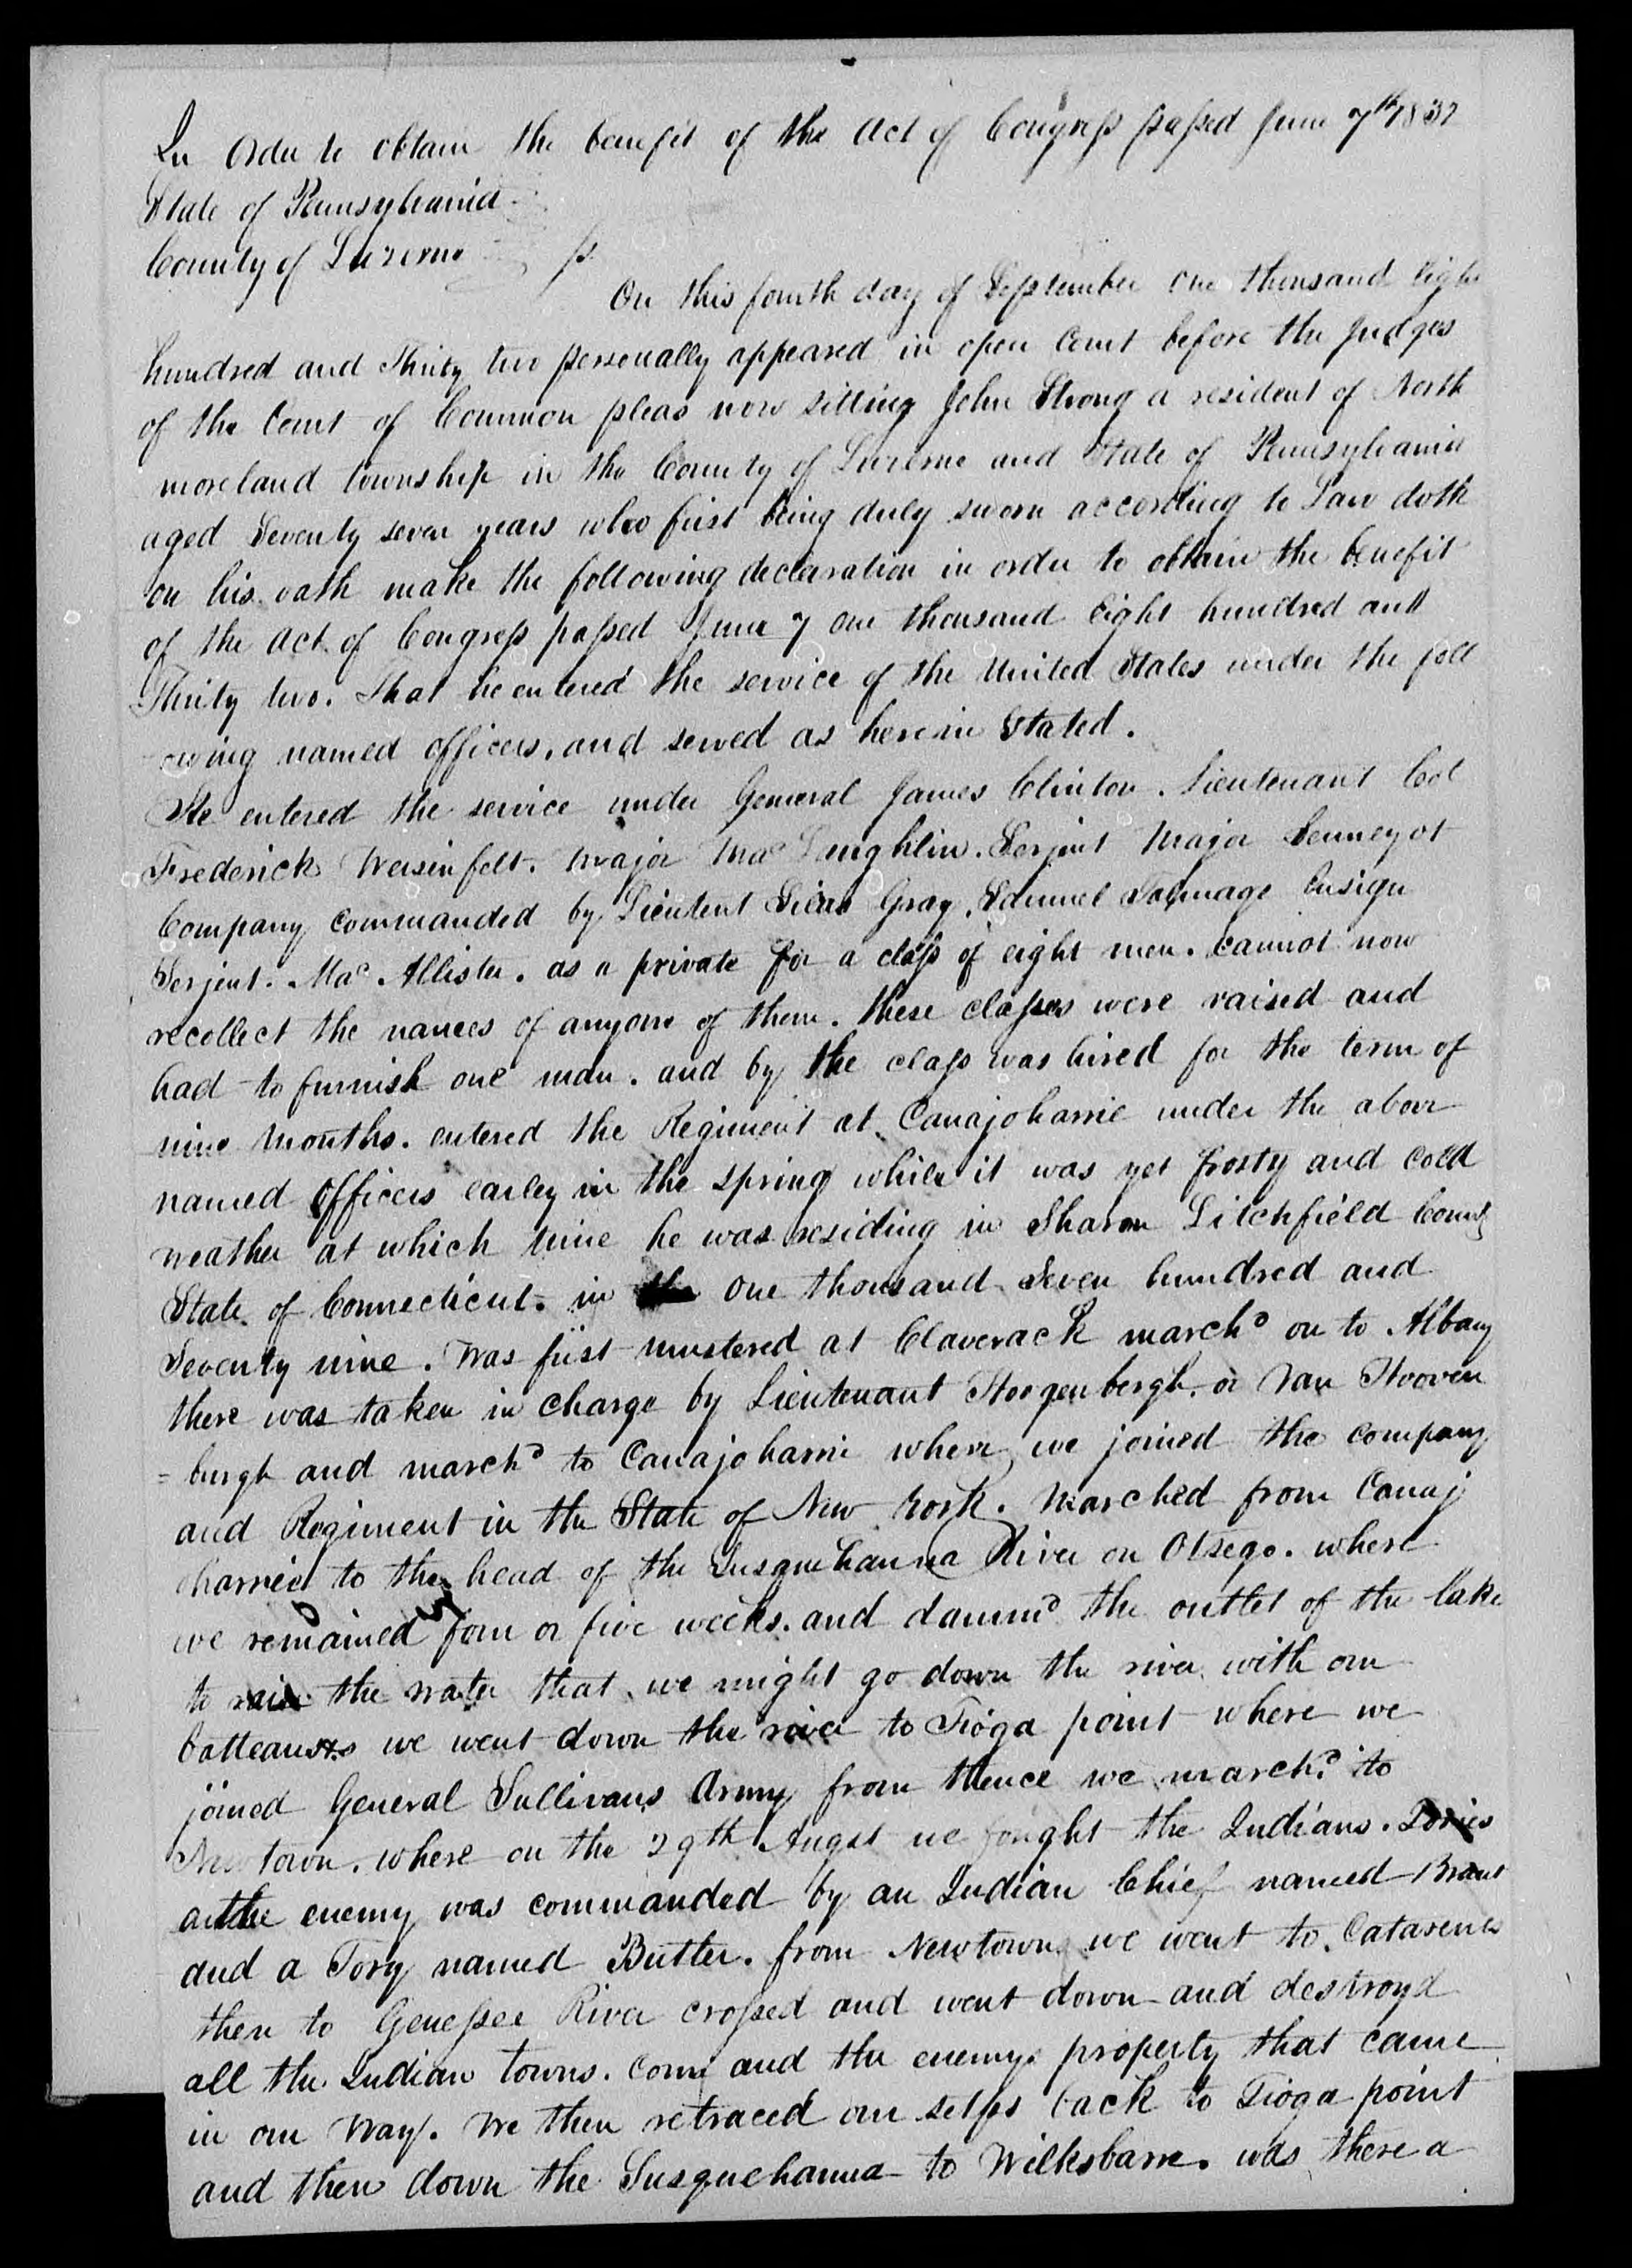In order to obtain the benefit of the Act of Congress passed June 7th 1832.
State of Pennsylvania
County of Luzerne

On this fourth day of September one thousand eight hundred and thirty two personally appeared in open court before the judges of the Court of Common pleas were sitting John Strong a resident of North Moreland township in the County of Luzerne and State of Pennsylvania aged 77 years who first being duly sworn according to Law doth on his oath make the following declaration in order to obtain the benefit of the Act of Congress passed June 7 one thousand eight hundred and Thirty two. That he entered the service of the United States under the following named officers, and served as herein stated.
He entered the service under General James Clinton, Lieutenant Col Frederick Weisenfelt, Major MacLaughlin, Sergeant Major Senney of Company commanded by Lieutent Silas Gray, Edward Talmage Ensign Serjent Mac Allistere as a private for a class of eight men, cannot now recollect the names of anyone of them. These classes were raised and had to furnish one man and by the class was hired for the term of nine months, entered the Regiment at Canajoharie under the above name Officers early in the spring while it was yet frost and cold weather at which time he was residing in Sharon Litchfield County Sate of Connecticut in one thousand seven hundred and Seventy nine. Was first mustered at Claverack marched on to Albany there was taken in charge by Lieutenant Horgenbergh or Van Hooverburgh and marched to Canajoharni when we joined the company and Regiment in the State of New York. Marched from Canajoharrie to the head of the Susquehanna River on Otsego where we remained four or five weeks and  and dammed the outlet of the lake to raise the water that we might go down the river with our batteaux. we went down the river to Tioga point where we joined General Sullivan's Army from thence we marched to Newtown, where on the 29th August we fought the Indians. Tories and the enemy was commanded by an Indian Chief named Brant and a Tory named Butter. from Newtown we went to Catarena then to Genesee River crossed and went down and destroyed all the Indian towns, corn and the enemy property that came in our way. We then retraced our steps back to Tioga point and then down the Susquehanna to Wilkesbarre. was there a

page: 3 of 33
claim: widow's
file: W. 4592, for John Strong, New York